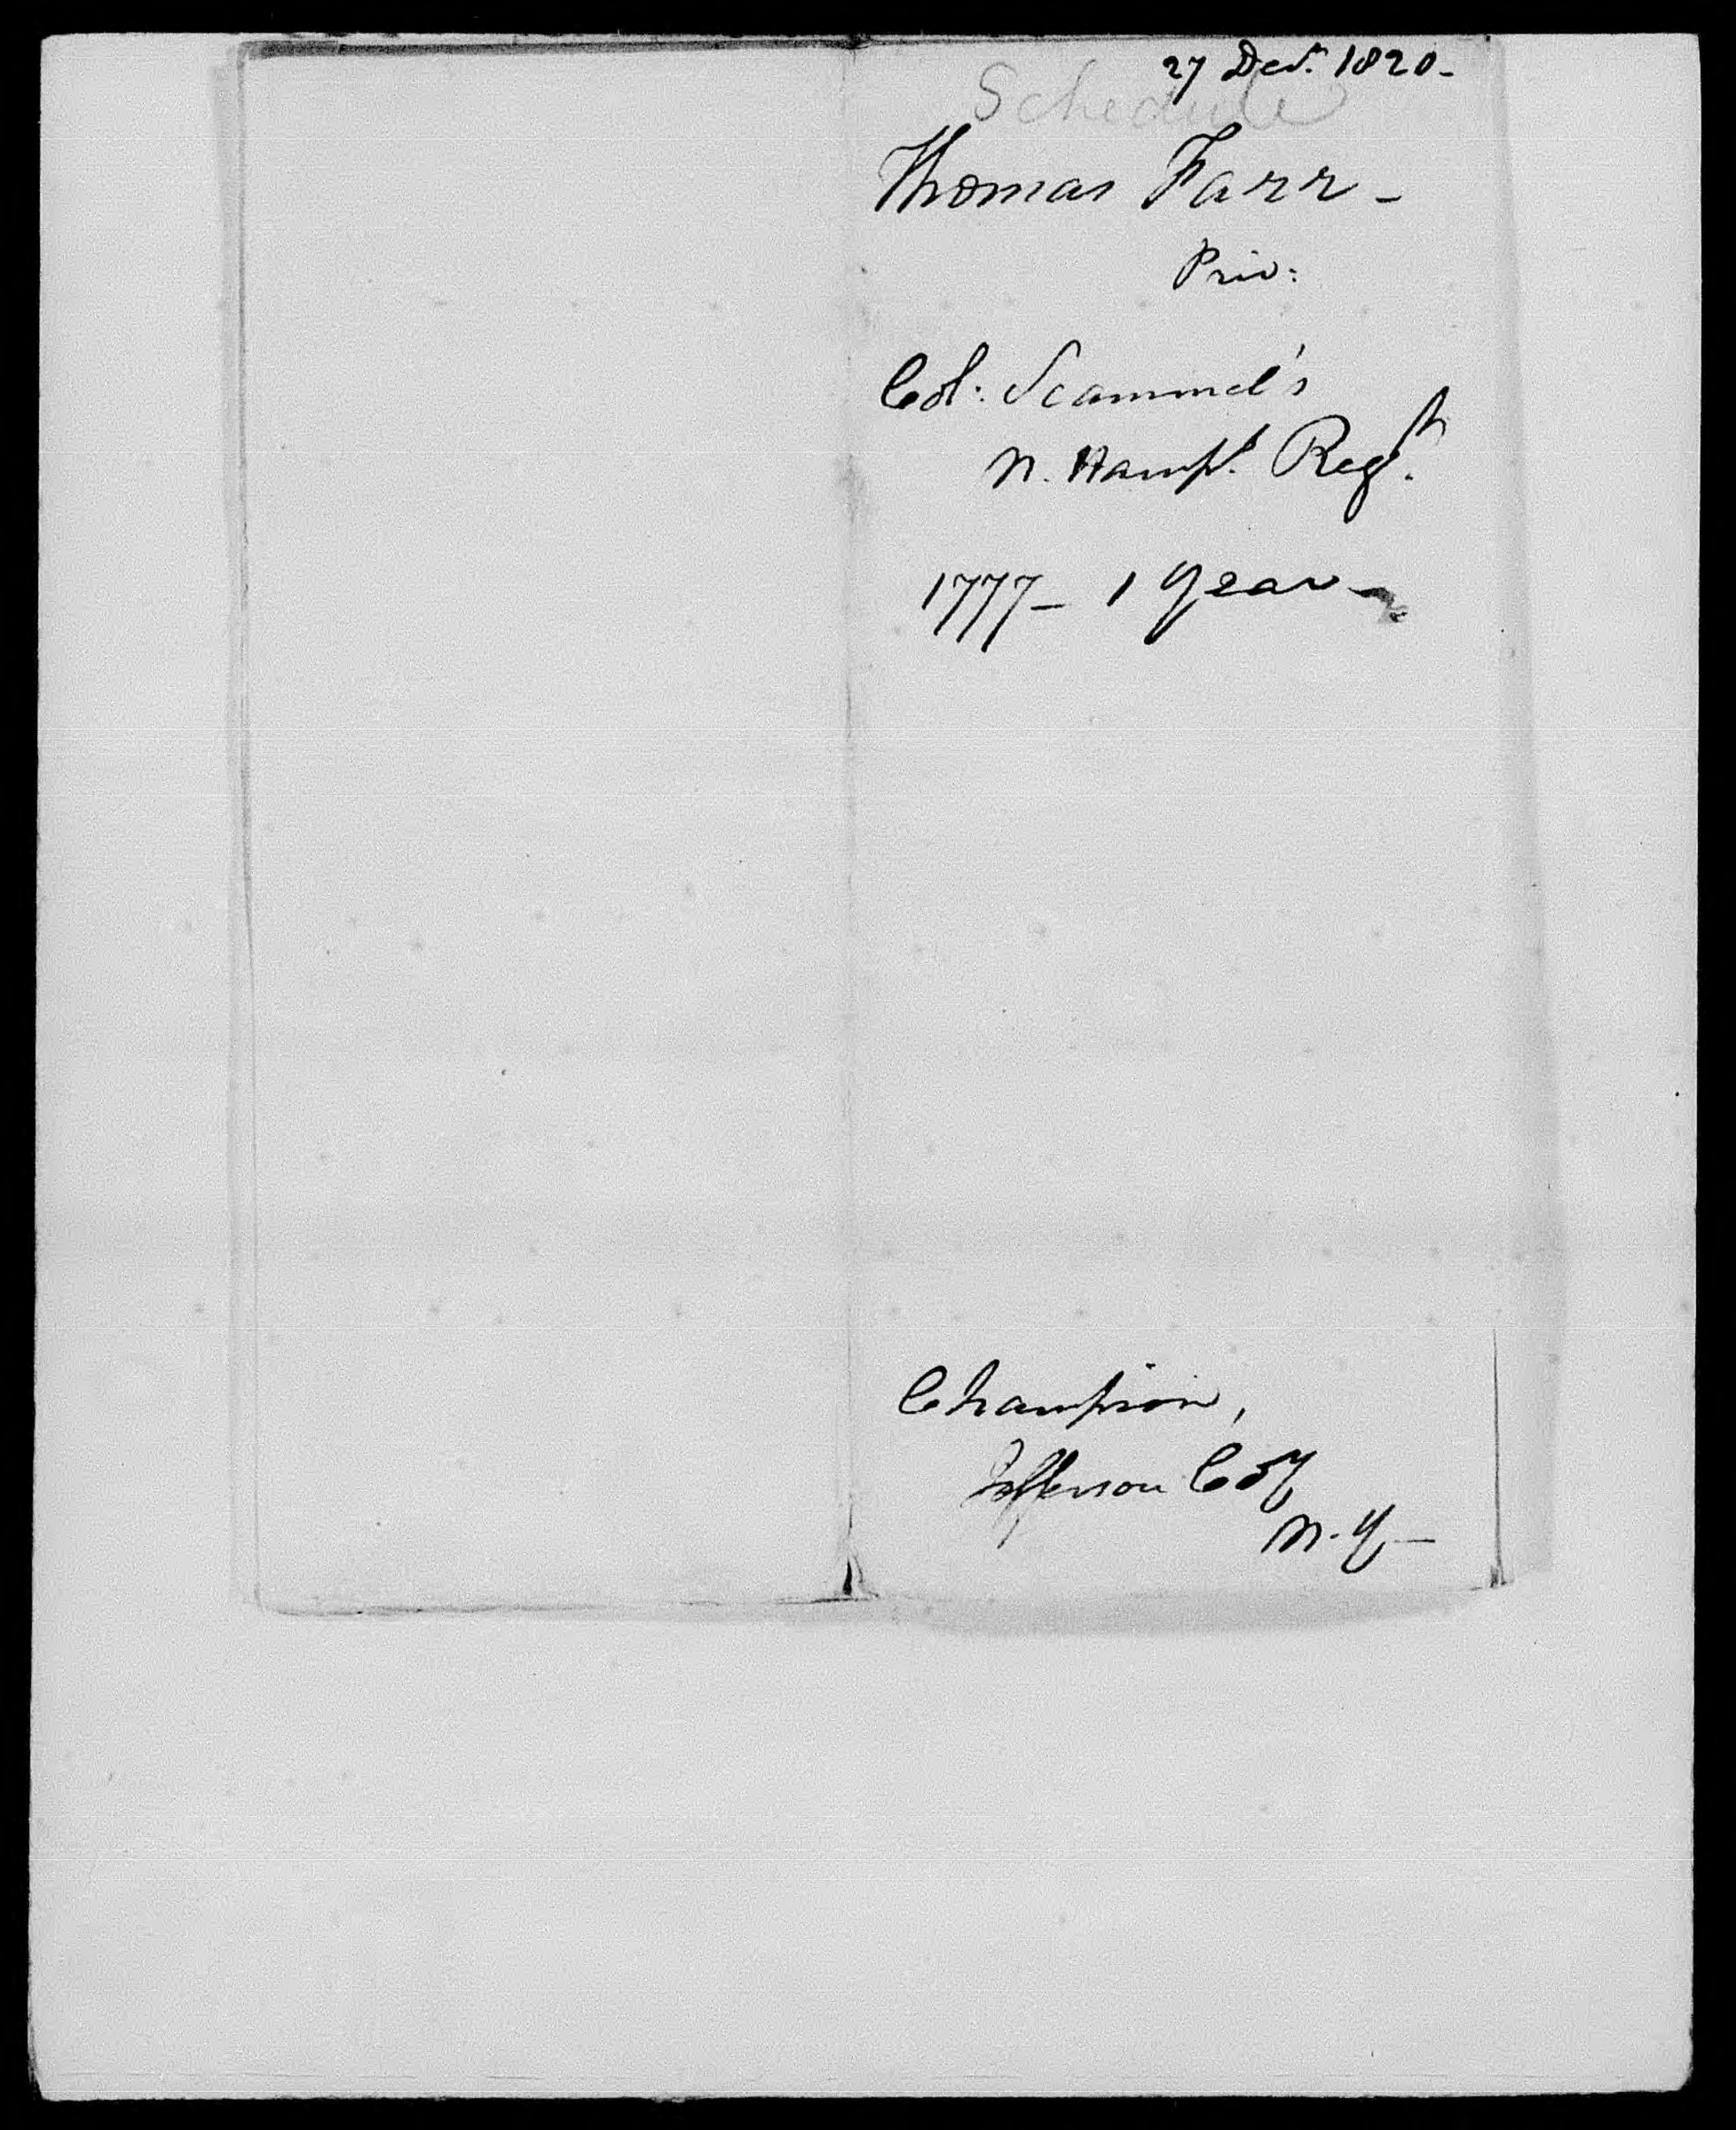27 Dec. 1820-
Schedule
Thomas Farr -
Priv.
Col. Scammel's [Scammell's] N. Hamp. Reg.
1777 - 1 year - 
Champion, Jefferson Coy N.Y. -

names: Thomas Farr, Scammel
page: 4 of 46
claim: widow's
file: W. 23022, Thomas Farr, N.H.